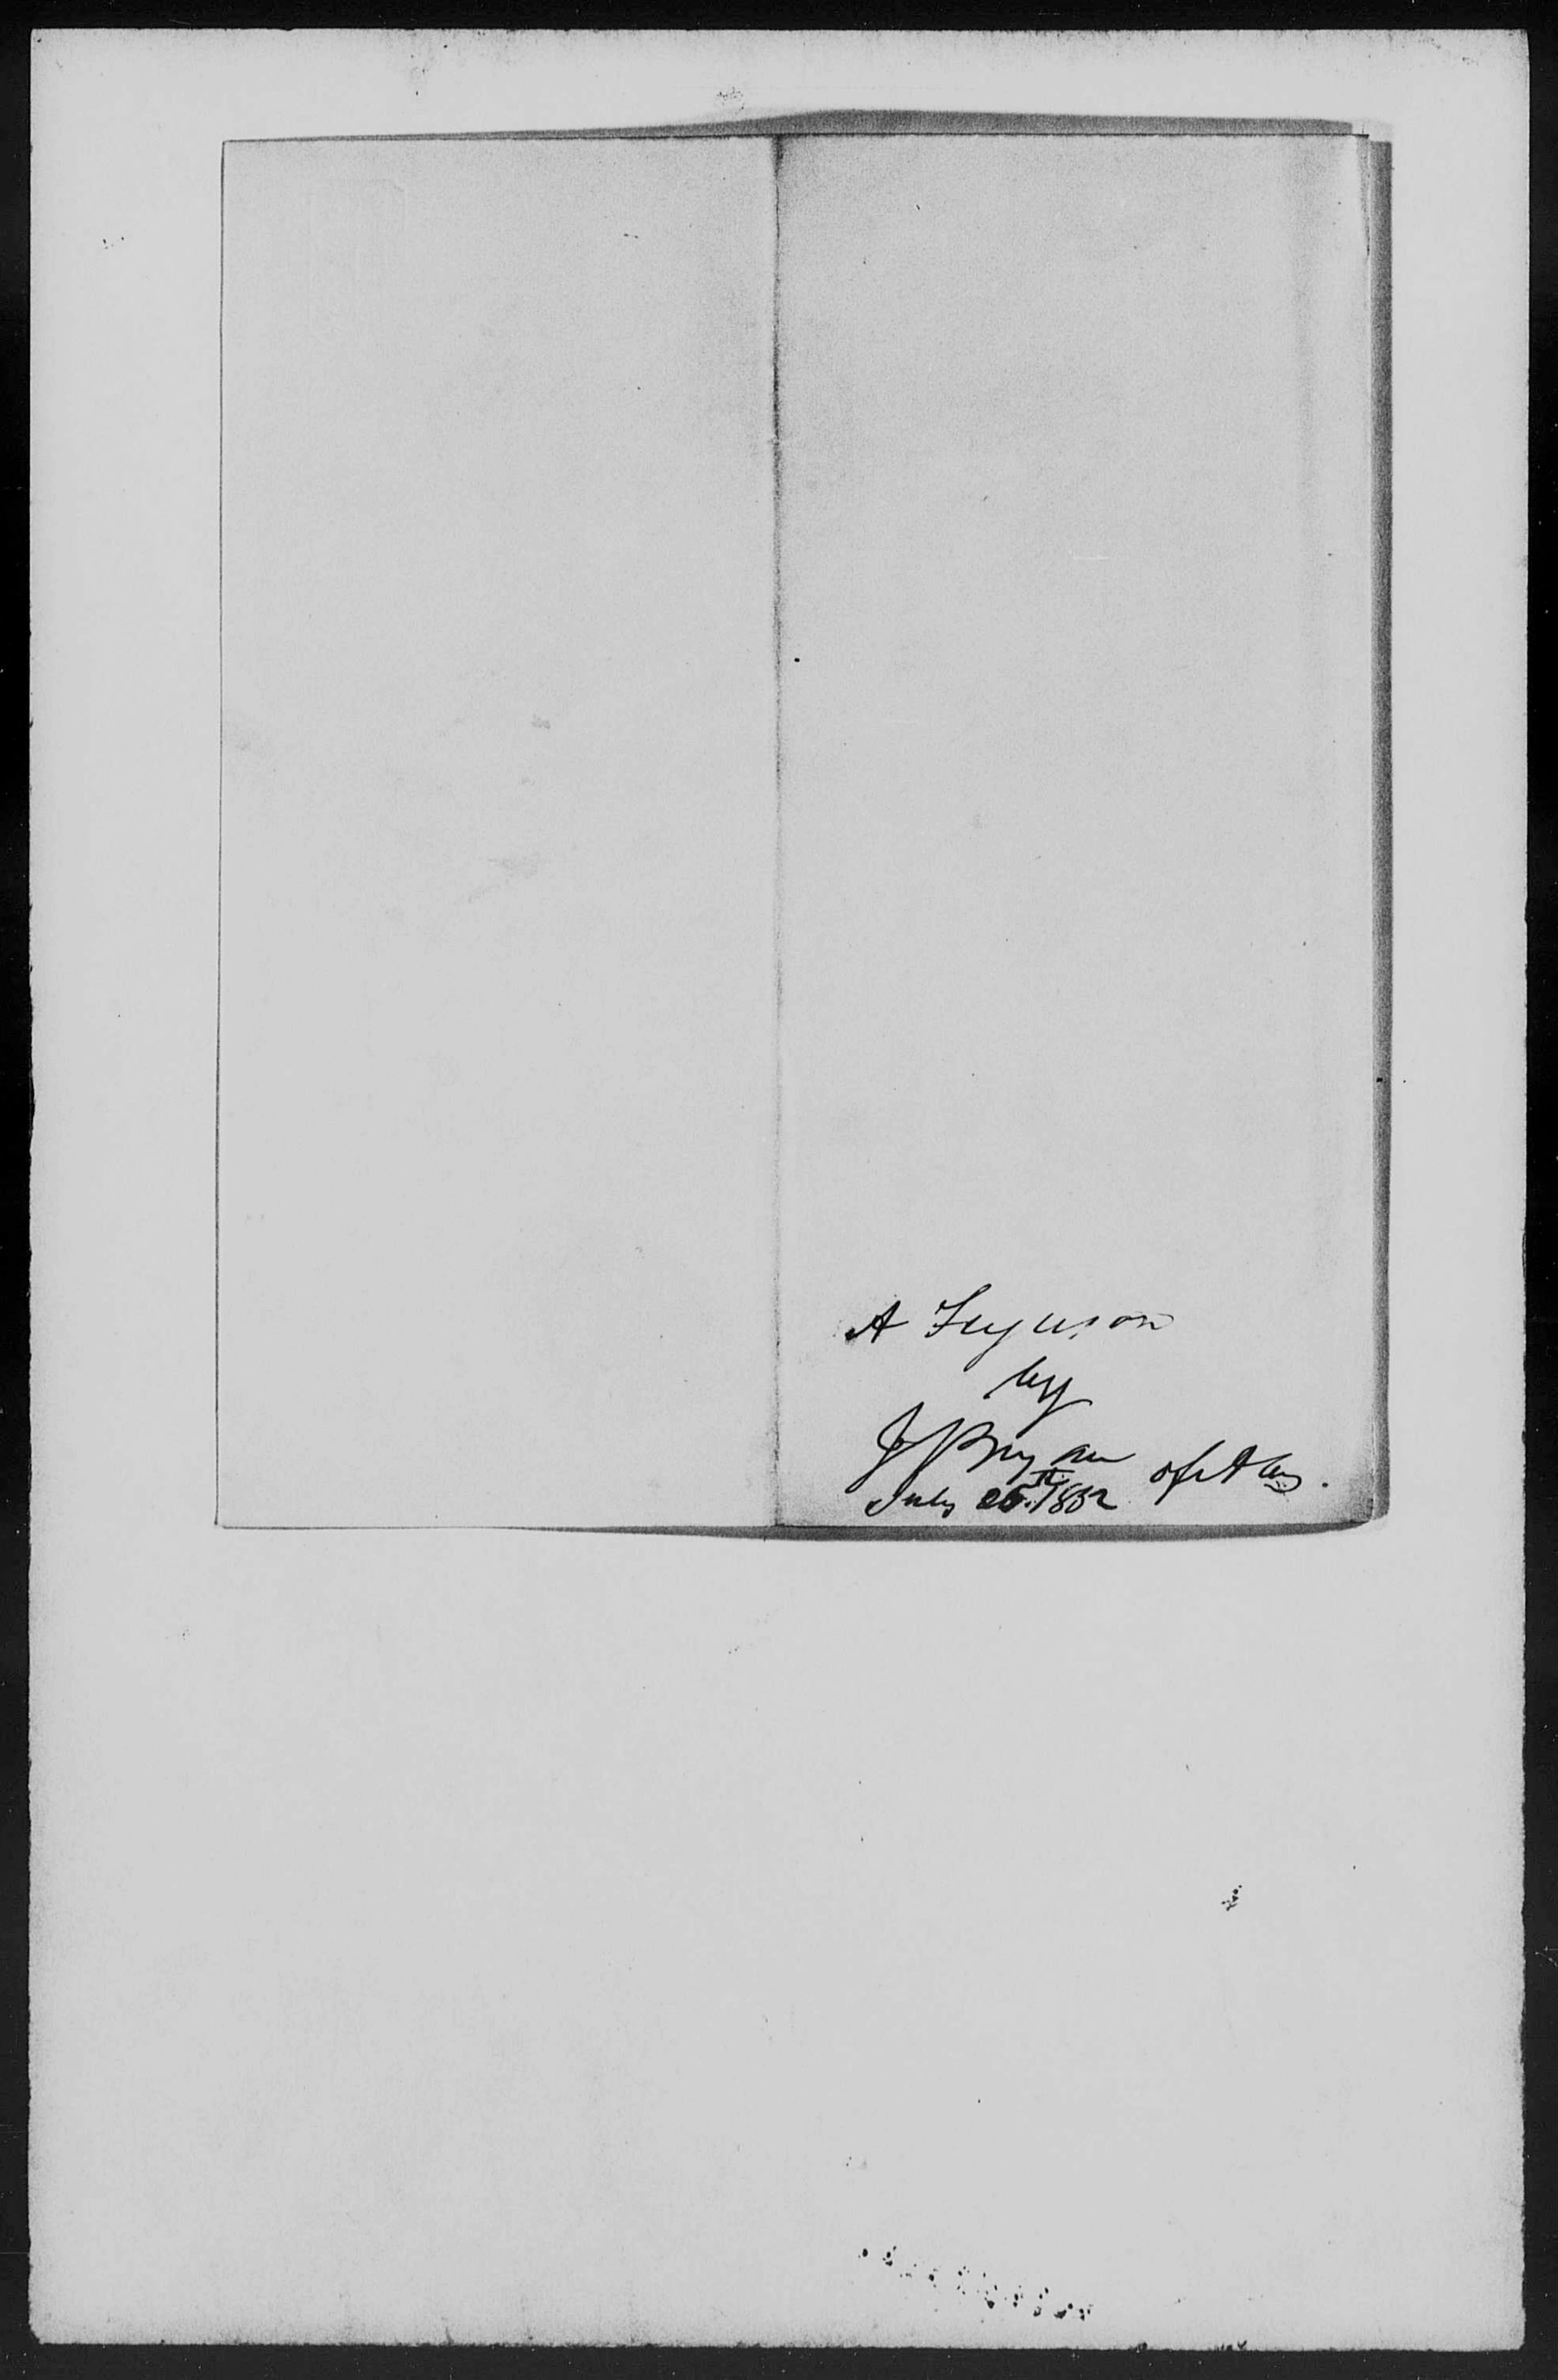[at the bottom of the page]A Ferguson
By 
J Bryan of [illegible]
July 05th  1832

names: A Ferguson, J Bryan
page: 27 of 62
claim: widow's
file: W 7005, Frederick Debow, N.C.